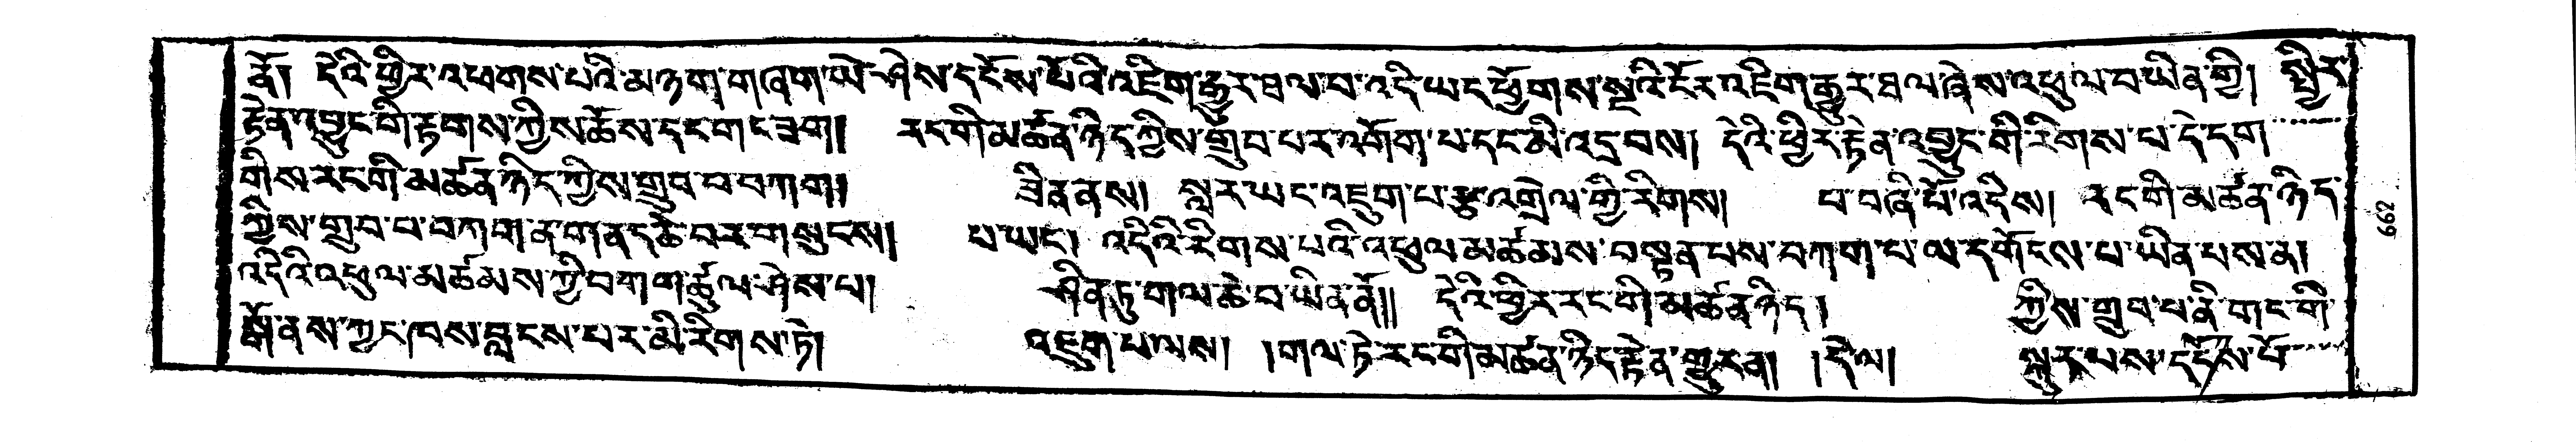ནོ། དེའི་ཕྱིར་འཕགས་པའི་མཉག་གཞག་ཡེ་ཤེས་དངོས་པོའི་འཇིག་རྒྱུར་ཐལ་པ་འདི་ཡང་ཕྱོགས་སྔའི་ངོར་འཇིག་རྒྱུར་ཐལ་ཞེས་འཕུལ་བ་ཡིན་གྱི། སྤྱིར་
རྟེན་འབྱུང་གི་རྟགས་ཀྱིས་ཆོས་དང་གང་ཟག །རང་གི་མཚན་ཉིད་ཀྱིས་གྲུབ་པར་འགོག་པ་དང་མི་འདྲ་བས། དེའི་ཕྱིར་རྟེན་འབྱུང་གི་རིགས་པ་དེ་དག་
གིས་རང་གི་མཚན་ཉིད་ཀྱིས་གྲུབ་པ་བཀག །ཟིན་ནས། སླར་ཡང་འཇུག་པ་རྩ་འགྲེལ་གྱི་རིགས། པ་བཞི་པོ་འདིས། རང་གི་མཚན་ཉིད་
ཀྱིས་གྲུབ་པ་བཀག་ན་གནད་ཆེ་བར་གསུངས། པ་ཡང་། འདིའི་རིགས་པའི་འཕུལ་མཚམས་བསྟན་པས་བཀག་པ་ལ་དགོངས་པ་ཡིན་པས་ན།
འདིའི་འཕུལ་མཚམས་ཀྱི་བཀག་ཚུལ་ཤེས་པ། ཤིན་ཏུ་གལ་ཆེ་བ་ཡིན་ནོ། །དེའི་ཕྱིར་རང་གི་མཚན་ཉིད། ཀྱིས་གྲུབ་པ་ནི་གང་གི་
སྒོ་ནས་ཀྱང་ཁས་བླངས་པར་མི་རིགས་ཏེ། འཇུག་པ་ལས། །གལ་ཏེ་རང་གི་མཚན་ཉིད་རྟེན་གྱུར་ན། །དེ་ལ། སྐུར་པས་དངོས་པོ་